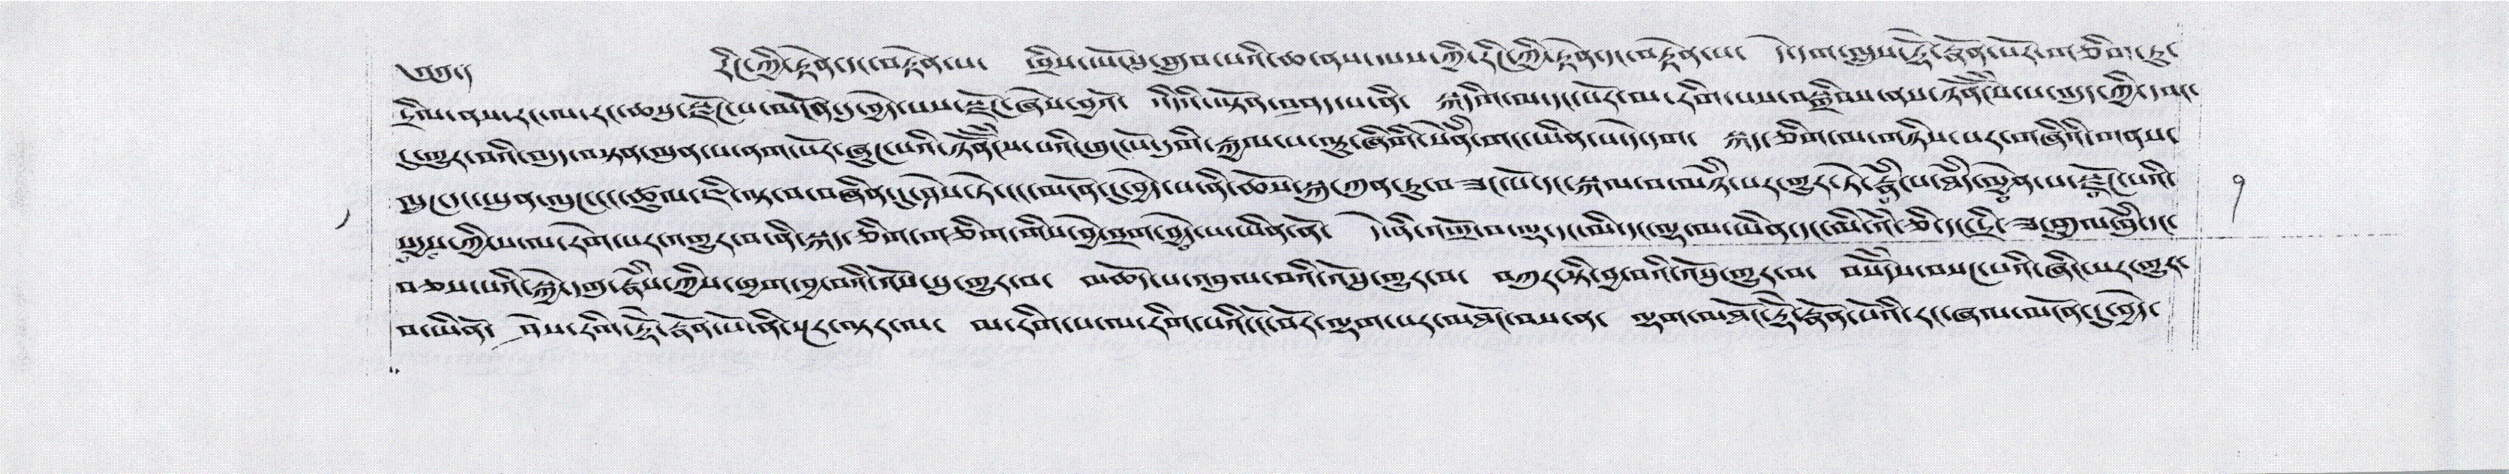རིགས་ཀྱི་རྟེན་དང་བརྟེན་པ། ཕྲིན་ལས་ཡོངས་སུ་གྲུབ་པའི་ཆ་ནས་ལས་ཀྱི་རིགས་ཀྱི་རྟེན་དང་བརྟེན་པ། དེ་དག་མ་ལུས་རྡོ་རྗེ་རྣོན་པོར་གཅིག་ཏུ་
དྲིལ་ནས་རང་ལ་རང་ཆས་སུ་རྫོགས་པ་མངོན་དུ་བྱེད་པས་རྫོགས་ཞེས་བྱའོ། འདིའི་ཡོན་ཏན་བཤད་པ་ནི། སྐད་ཅིག་མ་དང་པོར་མ་རིག་པས་བསྒྲིབས་ནས་ཉོན་མོངས་པ་བདུད་ཀྱི་དབང་
དུ་གྱུར་པའི་བདུད་བསྟན་མུན་པ་ནག་པོར་ཞུགས་པའི་ཉོན་མོངས་པའི་ཕུང་པོ་དུག་གི་རྐྱལ་པ་ལྟ་བུ་ཞིག་གི་སེམས་ཅན་གང་ཡིན་པ་དེ་དག སྐད་ཅིག་མ་གཉིས་པར་གཞིའི་གནས་
ལུགས་དང་ཡིན་ལུགས་ངང་ཚུལ་ཇི་ལྟ་བ་བཞིན་དུ་ཤེས་ཏེ་ངང་མངོན་དུ་བྱེད་པ་ནི་ཆོས་སྐུ་ཀུན་ཏུ་བཟང་པོ་དང་སྐལ་པ་མཉམ་པར་གྱུར་ཏེ་རྣམ་པ་ཐམས་ཅད་མཁྱེན་པ་རྫོགས་པའི་
སངས་རྒྱས་ཀྱི་ས་མ་རེག་པར་འགྱུར་བ་ནི་སྐད་ཅིག་གཅིག་གི་བྱེ་བྲག་ཕྱེད་པ་ཡིན་ནོ། དེ་ནི་འགྲོ་བ་མི་དང་ལྷ་དང་ལྷ་མ་ཡིན་དང་མིའམ་ཅི་དང་དྲི་ཟ་གྲུལ་འབུམ་དང་
བཅས་པའི་སྐྱེ་དགུ་རྣམས་ཀྱིས་ཕྱག་བྱ་བའི་འོས་སུ་གྱུར་པ། མཆོད་པ་འབུལ་བའི་འོས་སུ་གྱུར་པ། བཀུར་སྟི་བྱ་བའི་འོས་སུ་གྱུར་པ་བསོད་ནམས་བསགས་པའི་ཞིང་སར་གྱུར་
པ་ཡིན་ནོ། ཤེས་རིག་རྡོ་རྗེ་རྣོན་པོ་ནི་སྔར་ལྟར་ལ། མ་རིག་པ་ལ་རིག་པའི་ངོ་བོར་ལྷག་པར་མཐོང་བས་ན་ལྷག་མཐོང་རྡོ་རྗེ་རྣོན་པོའི་རང་ཞལ་མངོན་དུ་བྱེད་